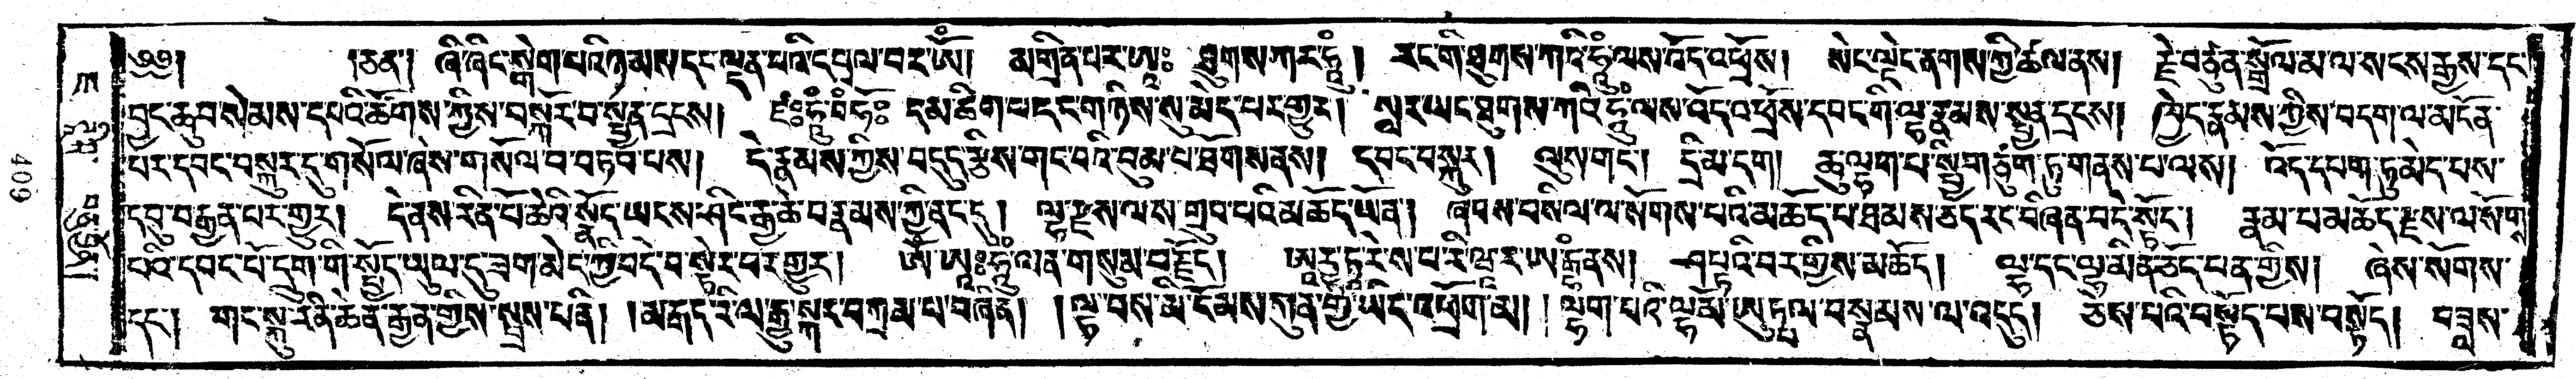༄༅། །ཅན། ཞི་ཞིང་སྒེག་པའི་ཉམས་དང་ལྡན་པའི་དཔྲལ་བར་ཨོཾ། མགྲིན་པར་ཨཱཿ ཐུགས་ཀར་ཧཱུཾ། རང་གི་ཐུགས་ཀའི་ཧཱུཾ་ལས་འོད་འཕྲོས། སེང་ལྡེང་ནགས་ཀྱི་ཚལ་ནས། རྗེ་བཙུན་སྒྲོལ་མ་ལ་སངས་རྒྱས་དང་
བྱང་ཆུབ་སེམས་དཔའི་ཚོགས་ཀྱིས་བསྐོར་བ་སྦྱན་དྲངས། ཛཿ ཧཱུཾ་བཾ་ཧོཿ དམ་ཚིག་པ་དང་གཉིས་སུ་མེད་པར་གྱུར། སླར་ཡང་ཐུགས་ཀའི་ཧཱུཾ་ལས་འོད་འཕྲོས་དབང་གི་ལྷ་རྣམས་སྤྱན་དྲངས། ཁྱེད་རྣམས་ཀྱིས་བདག་ལ་མངོན་
པར་དབང་བསྐུར་དུ་གསོལ་ཞེས་གསོལ་བ་བཏབ་པས། དེ་རྣམས་ཀྱིས་བདུད་རྩིས་གང་བའི་བུམ་པ་ཐོགས་ནས། དབང་བསྐུར། ལུས་གང་། དྲི་མ་དག། ཆུ་ལྷག་པ་སྦྱི་གཙུག་ཏུ་གནས་པ་ལས། འོད་དཔག་ཏུ་མེད་པས་
དབུ་བརྒྱན་པར་གྱུར། དེ་ནས་རིན་པོ་ཆེའི་སྣོད་ཡངས་ཤིང་རྒྱ་ཆེ་བ་རྣམས་ཀྱི་ནང་དུ། ལྷ་རྫས་ལས་གྲུབ་པའི་མཆོད་ཡོན། ཞབས་བསིལ་ལ་སོགས་པའི་མཆོད་པ་ཐམས་ཅད་རང་བཞིན་བདེ་སྟོང་། རྣམ་པ་མཆོད་རྫས་ལ་སོགས་
པའི་དབང་པོ་དྲུག་གི་སྤྱོད་ཡུལ་དུ་ཟག་མེད་ཀྱི་བདེ་བ་སྟེར་བར་གྱུར། ཨོཾ་ཨཱཿ ཧཱུཾ་ལན་གསུམ་བརྗོད། ཨཱརྱ་ཏཱ་རེ་ས་པ་རི་ཝཱ་ར་ཨརྒྷཾ་ནས། ཤཔྟའི་བར་གྱིས་མཆོད། ལྷ་དང་ལྷ་མིན་ཅོད་པན་གྱིས། ཞེས་སོགས་
དང་། གང་སྐུ་རིན་ཆེན་རྒྱན་གྱིས་སྦྲས་པ་ནི། །མ་རྒད་རི་ལ་རྒྱུ་སྐར་བཀྲམ་པ་བཞིན། །ལྟ་བས་མི་ངོམས་ཀུན་གྱི་ཡིད་འཕྲོག་མ། །ལྷག་པའི་ལྷ་མོ་ཨུཏྤལ་བསྣམས་ལ་འདུད། ཅེས་པའི་བསྟོད་པས་བསྟོད། བཟླས་